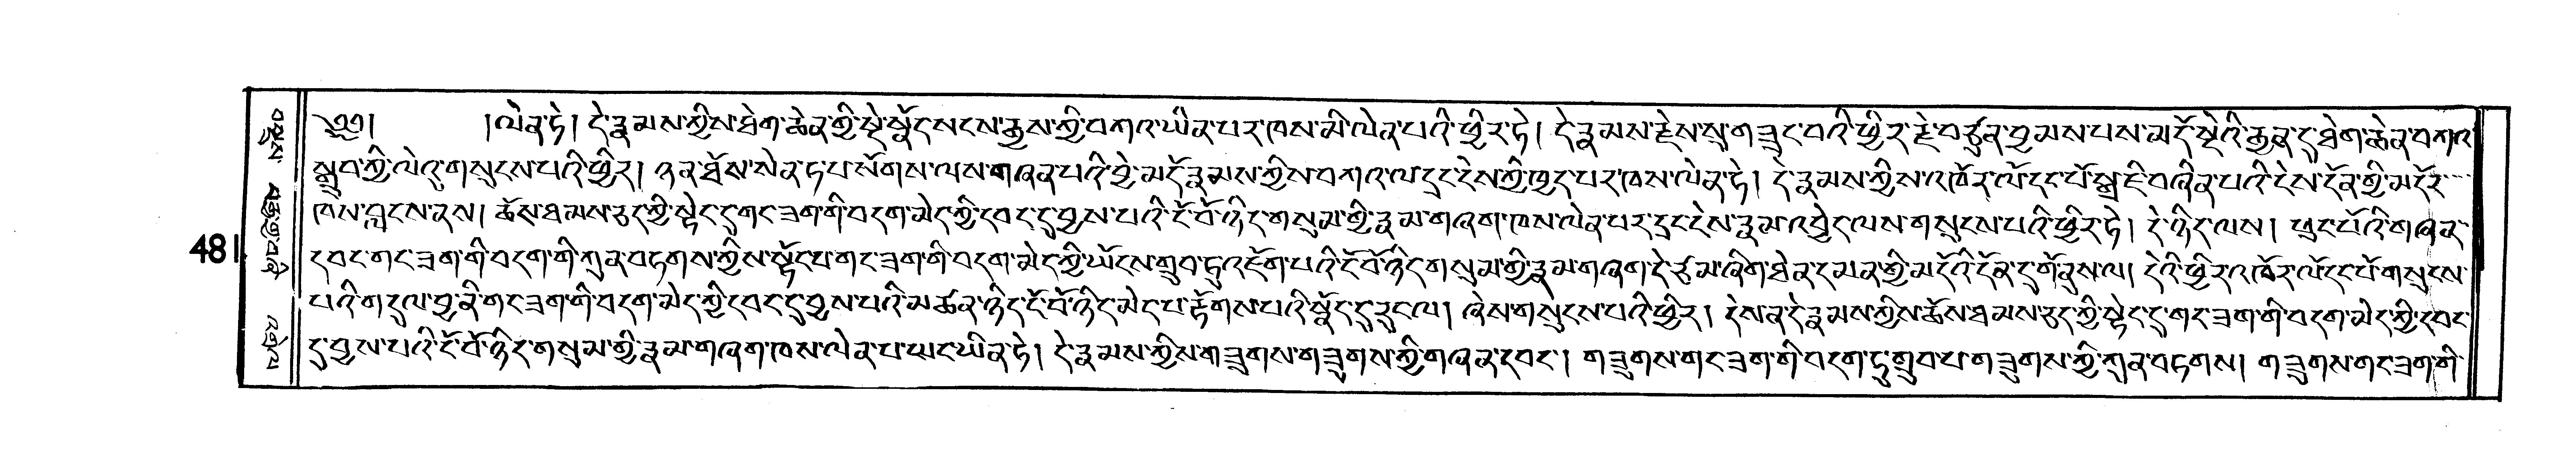༄༅། །ལེན་ཏེ། དེ་རྣམས་ཀྱིས་ཐེག་ཆེན་གྱི་སྡེ་སྣོད་སངས་རྒྱས་ཀྱི་བཀའ་ཡིན་པར་ཁས་མི་ལེན་པའི་ཕྱིར་ཏེ། དེ་རྣམས་རྗེས་སུ་གཟུང་བའི་ཕྱིར་རྗེ་བཙུན་བྱམས་པས་མདོ་སྡེའི་རྒྱན་དུ་ཐེག་ཆེན་བཀའ་
སྒྲུབ་ཀྱི་ལེའུ་གསུངས་པའི་ཕྱིར། ཉན་ཐོས་སེན་ཏ་པ་སོགས་ལས་གཞན་པའི་བྱེ་མདོ་རྣམས་ཀྱིས་བཀའ་ལ་དྲང་ངེས་ཀྱི་ཁྱད་པར་ཁས་ལེན་ཏེ། དེ་རྣམས་ཀྱིས་འཁོར་ལོ་དང་པོ་སྒྲ་ཇི་བཞིན་པའི་ངེས་དོན་གྱི་མདོར་
ཁས་བླངས་ནས། ཆོས་ཐམས་ཅད་ཀྱི་སྟེང་དུ་གང་ཟག་གི་བདག་མེད་ཀྱི་དབང་དུ་བྱས་པའི་ངོ་བོ་ཉིད་གསུམ་གྱི་རྣམ་གཞག་ཁས་ལེན་པར་དྲང་ངེས་རྣམ་འབྱེད་ལས་གསུངས་པའི་ཕྱིར་ཏེ། དེ་ཉིད་ལས། ཕུང་པོའི་གཞན་
དབང་གང་ཟག་གི་བདག་གི་ཀུན་བཏགས་ཀྱིས་སྟོང་པ་གང་ཟག་གི་བདག་མེད་ཀྱི་ཡོངས་གྲུབ་ཏུ་འཇོག་པའི་ངོ་བོ་ཉིད་གསུམ་གྱི་རྣམ་གཞག་དེ་ཙམ་ཞིག་ཐེན་དམན་གྱི་མདོའི་དོན་དུ་གོ་ནུས་ལ། དེའི་ཕྱིར་འཁོར་ལོ་དང་པོ་གསུངས་
པའི་གདུལ་བྱ་ནི་གང་ཟག་གི་བདག་མེད་ཀྱི་དབང་དུ་བྱས་པའི་མཚན་ཉིད་ངོ་བོ་ཉིད་མེད་པ་རྟོགས་པའི་སྣོད་དུ་རུང་ལ། ཞེས་གསུངས་པའི་ཕྱིར། དེས་ན་དེ་རྣམས་ཀྱིས་ཆོས་ཐམས་ཅད་ཀྱི་སྟེང་དུ་གང་ཟག་གི་བདག་མེད་ཀྱི་དབང་
དུ་བྱས་པའི་ངོ་བོ་ཉིད་གསུམ་གྱི་རྣམ་གཞག་ཁས་ལེན་པ་ཡང་ཡིན་ཏེ། དེ་རྣམས་ཀྱིས་གཟུགས་གཟུགས་ཀྱི་གཞན་དབང་། གཟུགས་གང་ཟག་གི་བདག་ཏུ་གྲུབ་པ་གཟུགས་ཀྱི་ཀུན་བཏགས། གཟུགས་གང་ཟག་གི་